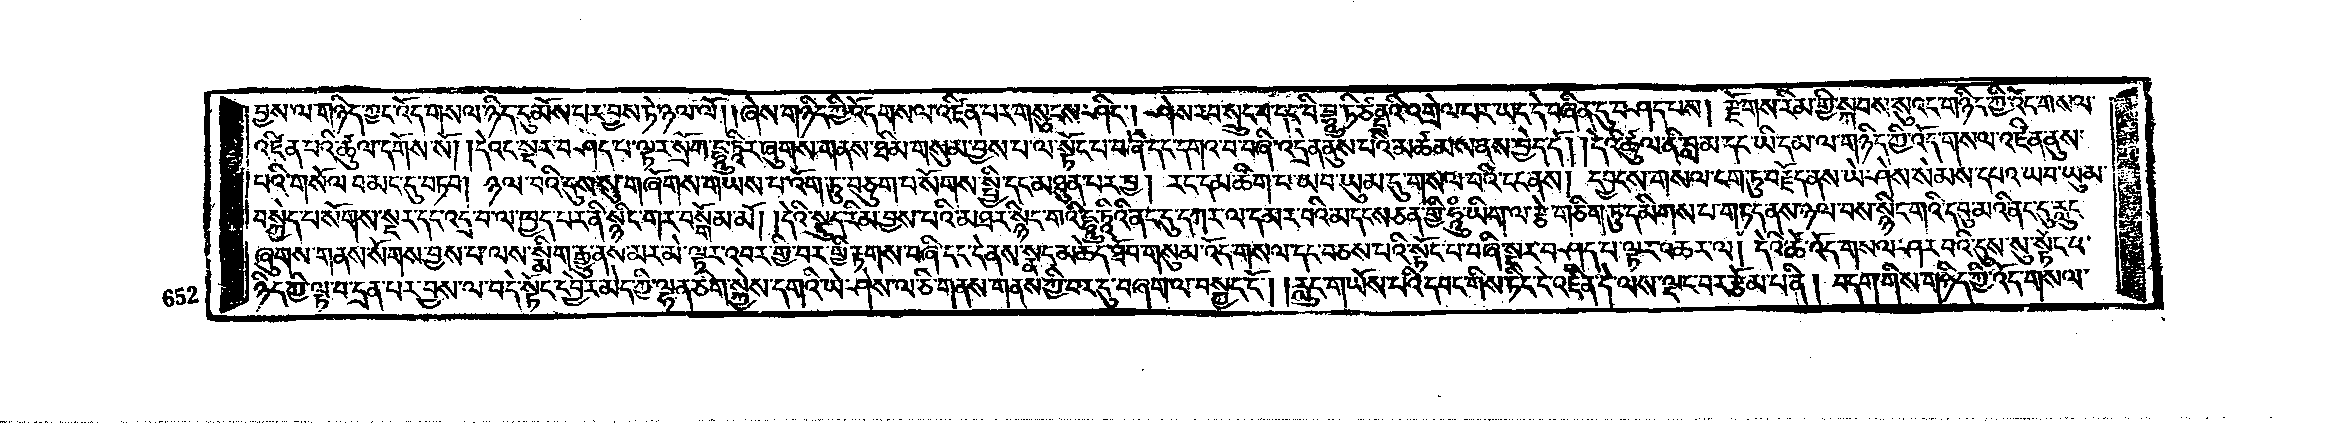བྱས་ལ་གཉིད་ཀྱང་འོད་གསལ་ཉིད་དུ་མོས་པར་བྱས་ཏེ་ཉལ་ལོ། །ཞེས་གཉིད་ཀྱི་འོད་གསལ་འཛིན་པར་གསུངས་ཤིང་། ཤེས་རབ་སྲུང་བ་དང་བི་བྷཱུ་ཏི་ཙནྡྲའི་འགྲེལ་པར་ཡང་དེ་བཞིན་དུ་བཤད་པས། རྫོགས་རིམ་གྱི་སྐབས་སུའང་གཉིད་ཀྱི་འོད་གསལ་
འཛིན་པའི་ཚུལ་དགོས་སོ། །དེའང་སྔར་བཤད་པ་ལྟར་སྲོག་དྷཱུ་ཏཱིར་ཞུགས་གནས་ཐིམ་གསུམ་བྱས་པ་ལ་སྟོང་པ་བཞི་དང་དགའ་བ་བཞི་འདྲེན་ནུས་པའི་མཚམས་ནས་བྱེད་དོ། །དེའི་ཚུལ་ནི་བླ་མ་དང་ཡི་དམ་ལ་གཉིད་ཀྱི་འོད་གསལ་འཛིན་ནུས་
པའི་གསོལ་བ་མང་དུ་བཏབ། ཉལ་བའི་དུས་སུ་གཞོགས་གཡས་པ་འོག་ཏུ་བཅུག་པ་སོགས་སྤྱི་དང་མཐུན་པར་བྱ། རང་དམ་ཚིག་པ་ཡབ་ཡུམ་དུ་གསལ་བའི་ངང་ནས། དབྱངས་གསལ་དག་ཏུ་བརྗོད་ནས་ཡེ་ཤེས་སེམས་དཔའ་ཡབ་ཡུམ་
བསྐྱེད་པ་སོགས་སྔར་དང་འདྲ་བ་ལ་ཁྱད་པར་ནི་སྙིང་གར་བསྒོམ་མ། །དེའི་སྡུད་རིམ་བྱས་པའི་མཐར་སྙིང་གའི་དྷཱུ་ཏཱིའི་ནང་དུ་དཀར་ལ་དམར་བའི་མདངས་ཅན་གྱི་ཧཱུཾ་ཡིག་ལ་རྩེ་གཅིག་ཏུ་དམིགས་པ་གཏད་ནས་ཉལ་བས་སྙིང་གའི་དབུ་མའི་ནང་དུ་རླུང་
ཞུགས་གནས་སོགས་བྱས་པ་ལས་སྨིག་རྒྱུ་ནས་མར་མེ་ལྟར་འབར་གྱི་བར་གྱི་རྟགས་བཞི་དང་དེ་ནས་སྣང་མཆེད་ཐོབ་གསུམ་འོད་གསལ་དང་བཅས་པའི་སྟོང་པ་བཞི་སྔར་བཤད་པ་ལྟར་འཆར་ལ། དེའི་ཚེ་འོད་གསལ་ཤར་བའི་དུས་སུ་སྟོང་པ་
ཉིད་ཀྱི་ལྟ་བ་དྲན་པར་བྱས་ལ་བདེ་སྟོང་དབྱེར་མེད་ཀྱི་ལྷན་ཅིག་སྐྱེས་དགའི་ཡེ་ཤེས་ལ་ཅི་གནས་གནས་ཀྱི་བར་དུ་བཞག་ལ་བསྐྱང་ངོ། །རླུང་གཡོས་པའི་དབང་གིས་ཏིང་ངེ་འཛིན་དེ་ལས་ལྡང་བར་རྩོམ་པ་ན། བདག་གིས་གཉིད་ཀྱི་འོད་གསལ་